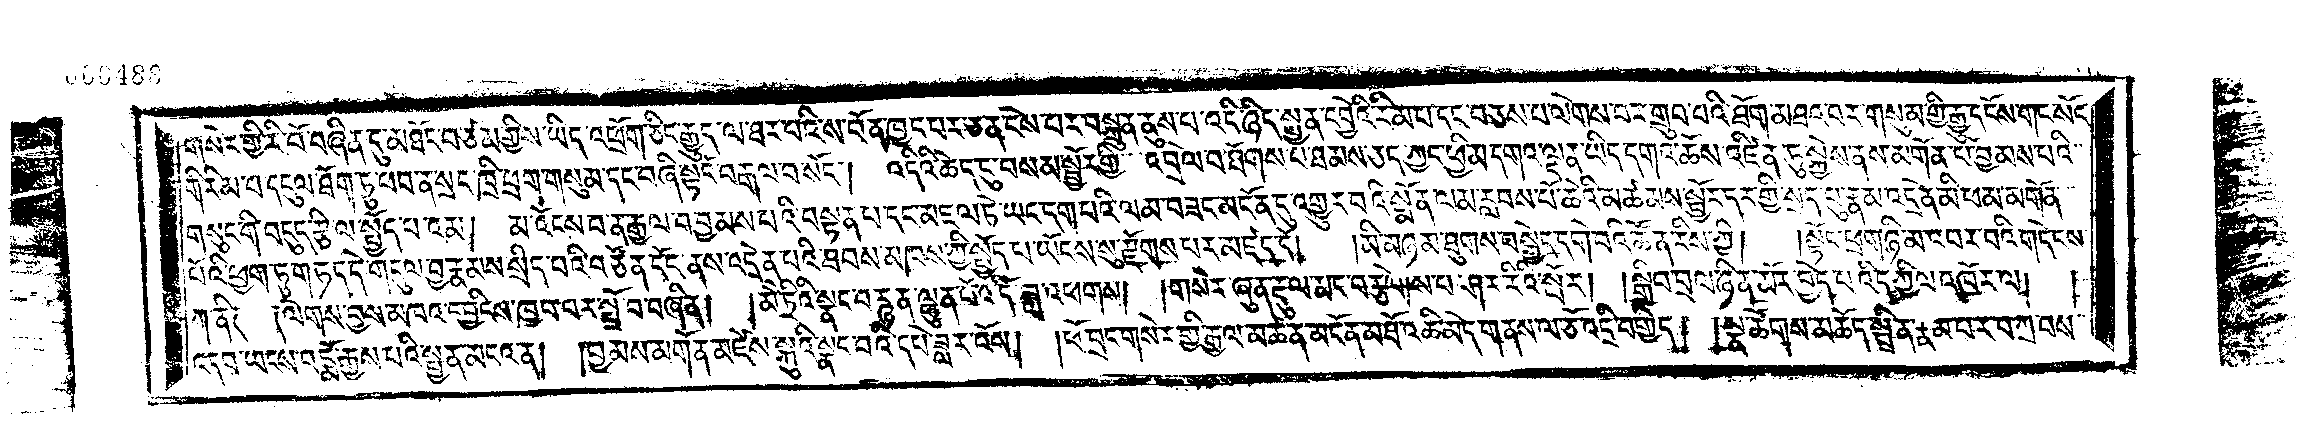གསེར་གྱི་རི་བོ་བཞིན་དུ་མཐོང་བ་ཙམ་གྱིས་ཡིད་འཕྲོག་ཅིང་རྒྱུད་ལ་ཐར་པའི་ས་བོན་ཁྱད་པར་ཅན་ངེས་པར་བསྐྲུན་ནུས་པ་འདི་ཉིད་སྤྱན་དབྱེའི་རིམ་པ་དང་བཅས་པ་ལེགས་པར་གྲུབ་པའི་ཐོག་མཐའ་བར་གསུམ་གྱི་རྒྱུ་དངོས་གང་སོང་
གི་རིམ་པ་དངུལ་ཐོག་ཏུ་ཕབ་ན་སྲང་ཁྲི་ཕྲག་གསུམ་དང་བཞི་སྟོང་བརྒལ་བ་སོང་། འདིའི་ཆེད་དུ་བསམ་སྦྱོར་གྱི་འབྲེལ་བ་ཐོགས་པ་ཐམས་ཅད་ཀྱང་ཕྱི་མ་དགའ་ལྡན་ཡིད་དགའ་ཆོས་འཛིན་ཏུ་སྐྱེས་ནས་མགོན་པོ་བྱམས་པའི་
གསུང་གི་བདུད་རྩི་ལ་སྤྱོད་པ་འམ། མ་འོངས་པ་ན་རྒྱལ་བ་བྱམས་པའི་བསྟན་པ་དང་མཇལ་ཏེ་ཡང་དག་པའི་ལམ་བཟང་མངོན་དུ་འགྱུར་བའི་སྨོན་ལམ་རླབས་པོ་ཆེའི་མཚམས་སྦྱོར་དར་གྱི་སྲད་པུ་རྣམ་འདྲེན་མི་ཕམ་མགོན་
པོའི་ཕྱག་ཏུ་གཏད་དེ་གདུལ་བྱ་རྣམས་སྲིད་པའི་བཙོན་དོང་ནས་འདྲེན་པའི་ཐབས་མཁས་ཀྱི་སྤྱོད་པ་ཡོངས་སུ་རྫོགས་པར་མཛད་དོ། །མི་མཉམ་ཐུགས་བསྐྱེད་དགེ་བའི་ཚོན་རིས་ཀྱི། །སྟོང་ཕྲག་ཉི་མ་འབར་བའི་གདེངས་
ཀ་ནི༑ ༑ལེགས་བྱས་མཁའ་དབྱིངས་ཁྱབ་པར་སྤྲོ་བ་བཞིན། །མཻ་ཏྲིའི་སྣང་བརྙན་ལྷུན་པོའི་དོ་ཟླ་འཕགས། །གསེར་ཞུན་རྡུལ་མང་བརྩེགས་པ་ཤར་རིའི་སྤོར། །སྒྲིབ་བྲལ་ཉིན་མོར་བྱེད་པའི་དཀྱིལ་འཁོར་ལ། །
འདབ་ཡངས་པདམོ་རྒྱས་པའི་སྤྱན་མདའ་ན། །བྱམས་མགོན་མཛེས་སྐུའི་སྣང་བའི་དཔེ་ཟླར་འོས། །ཕོ་བྲང་གསེར་གྱི་རྒྱལ་མཚན་མངོན་མཐོ་འཆི་མེད་གནས་ལ་ཅོ་འདྲི་བགྱིད། །སྣ་ཚོགས་མཆོད་སྤྲིན་རྣམ་པར་བཀྲ་བས་